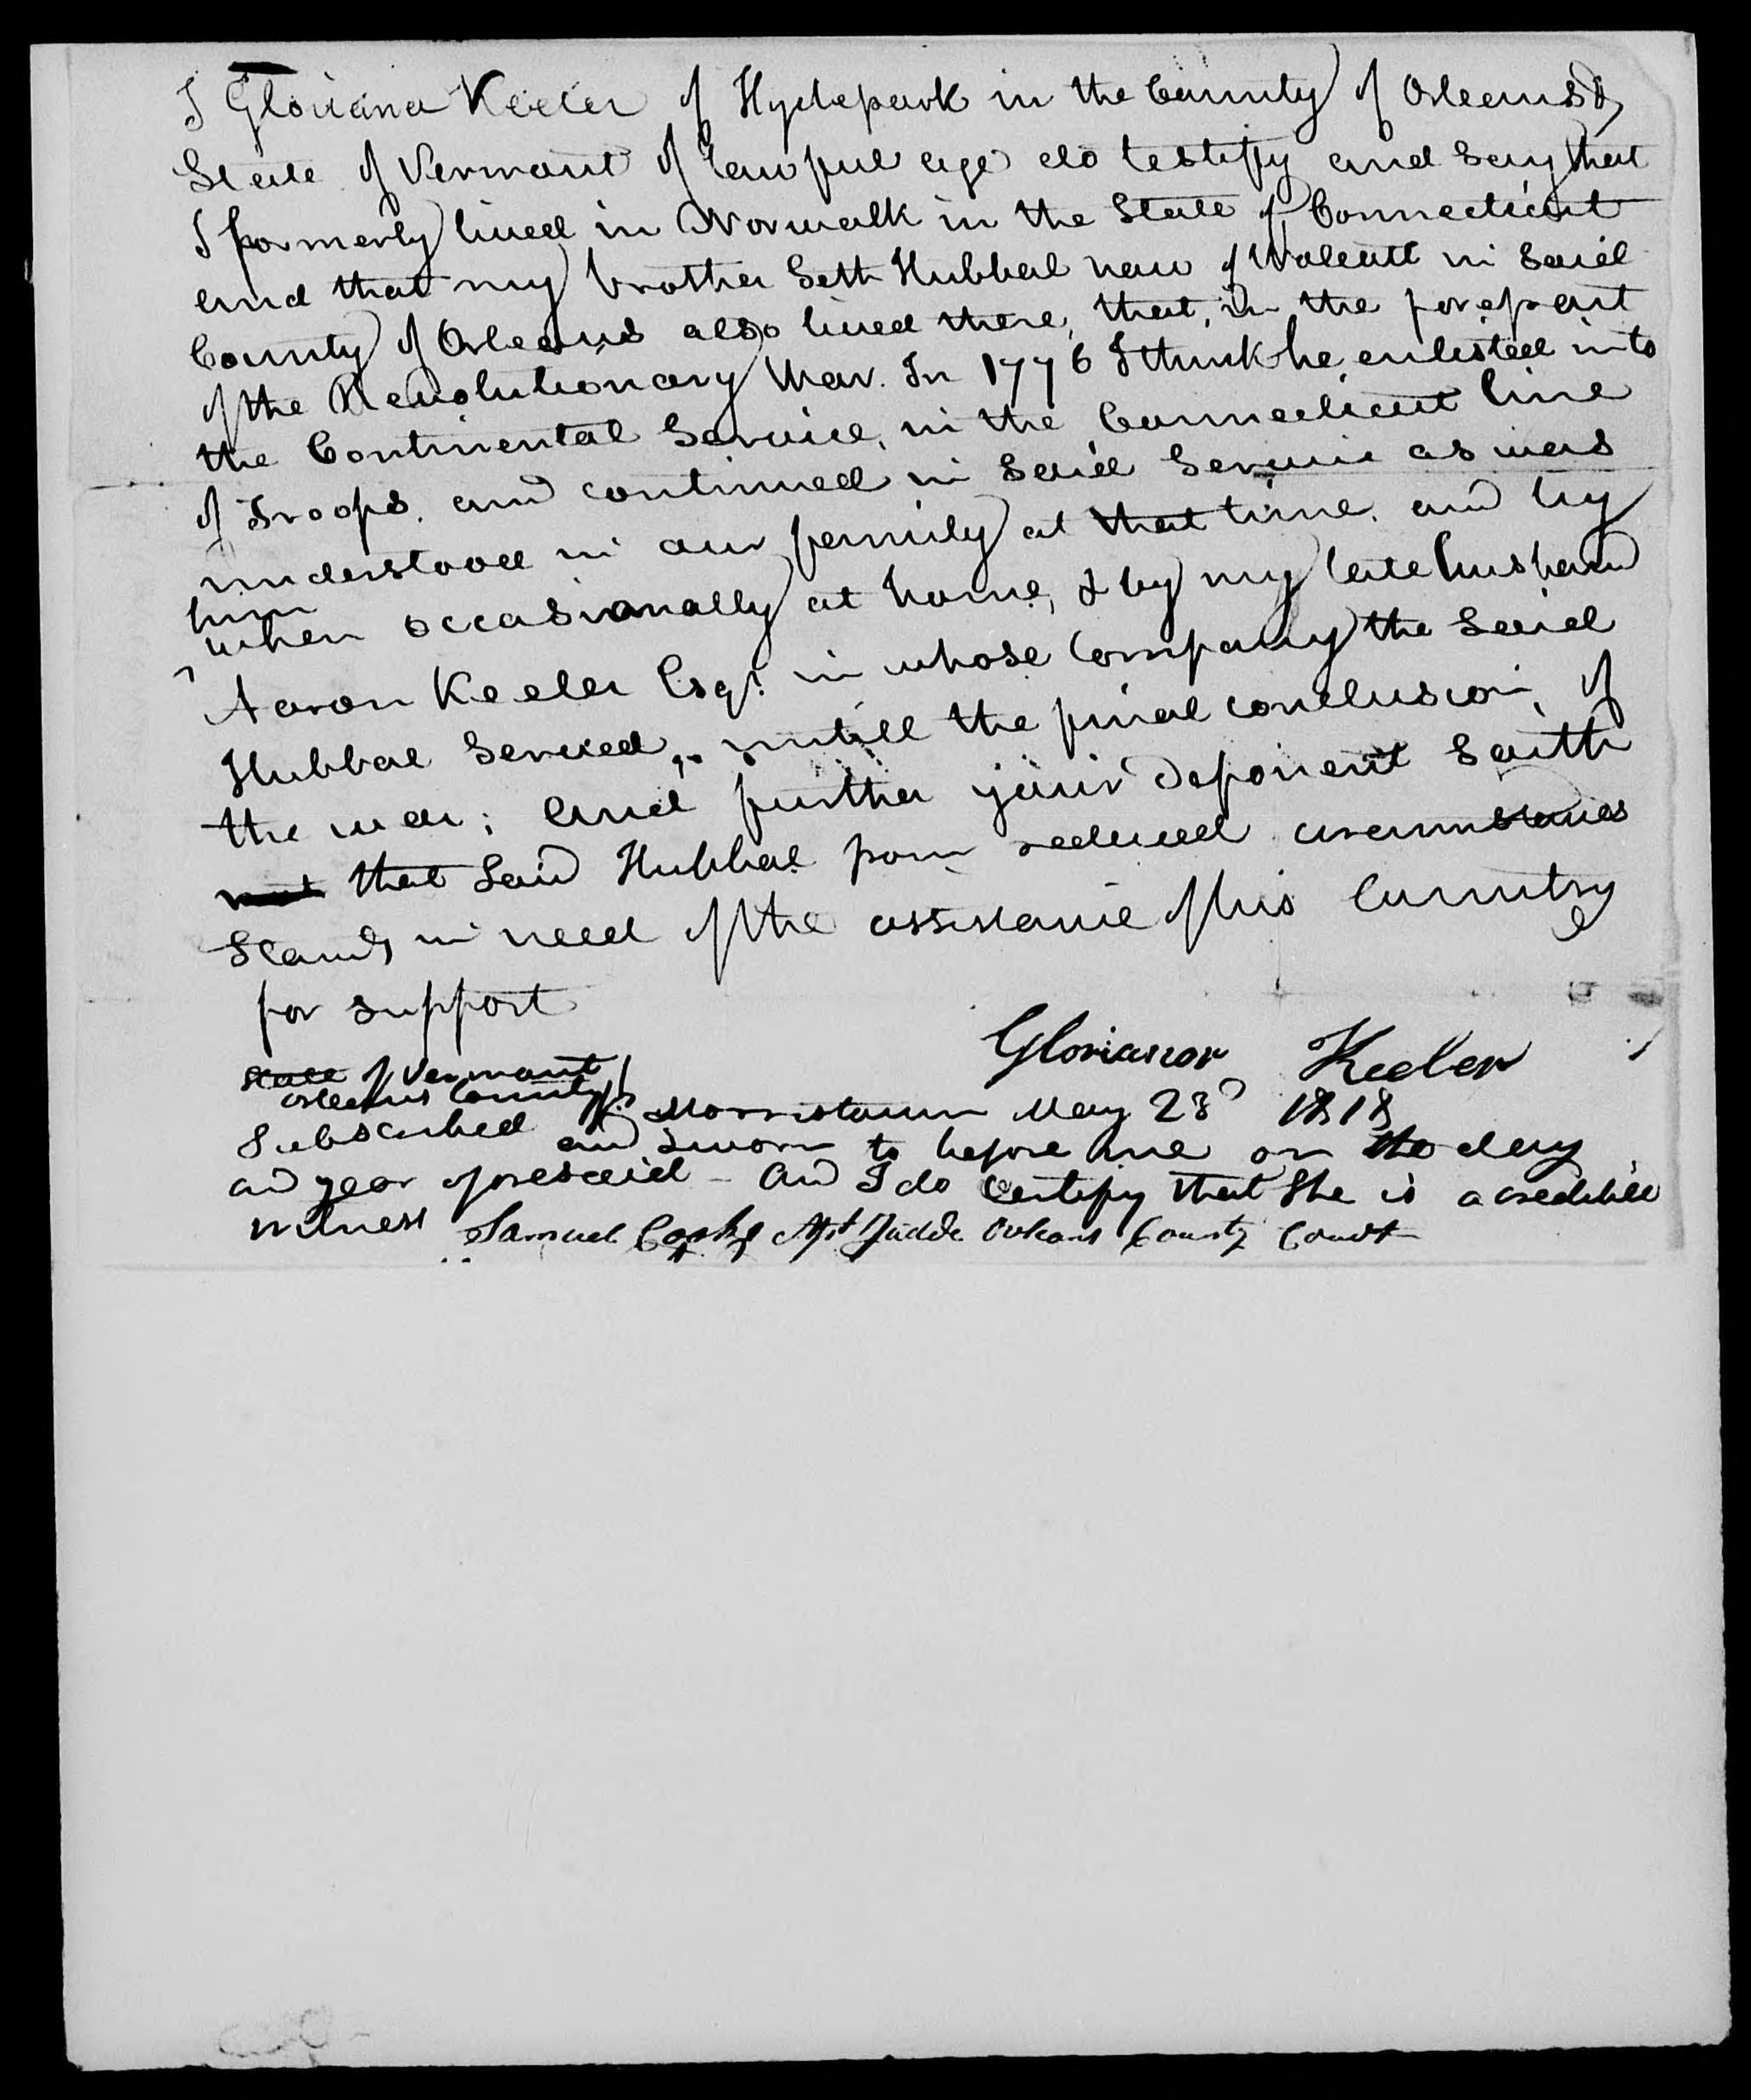I Gloriana Keeler of Hydepark in the County of Orleans & State of Vermont of lawful age do testify and say that I formerly lived in Norwalk in the State of Connecticut and that my brother Seth Hubbell now of Wolcott in said County of Orleans also lived there, that, in the forepart of the Revolutionary War In 1776 I think he enlisted into the Continental Service, in the Connecticut Line of Troops, and continued in said service as was understood in our family at that time, and by him when occasionally at home, & by my late husband Aaron Keeler [Esq. ?] in whose company the said Hubbell served, until the final conclusion of the war; and further your Deponent saith [word crossed out] that said Seth Hubbell [unclear] reduced circumstances stands in need of the assistance of his Country for support

State of Vermont
Orleans County               Gloriana Keeler
Morristown May 28 1818
Subscribed and sworn to before me on the day and year aforesaid -- And I do certify that she is a credible witness Samuel Cooke Asst Judge Orleans County Court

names: Seth Hubbal, Gloriana Keeler, Samuel Cooke, Aaron Keeler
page: 35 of 114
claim: widow's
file: W. 2115, Seth Hubbell, Conn.